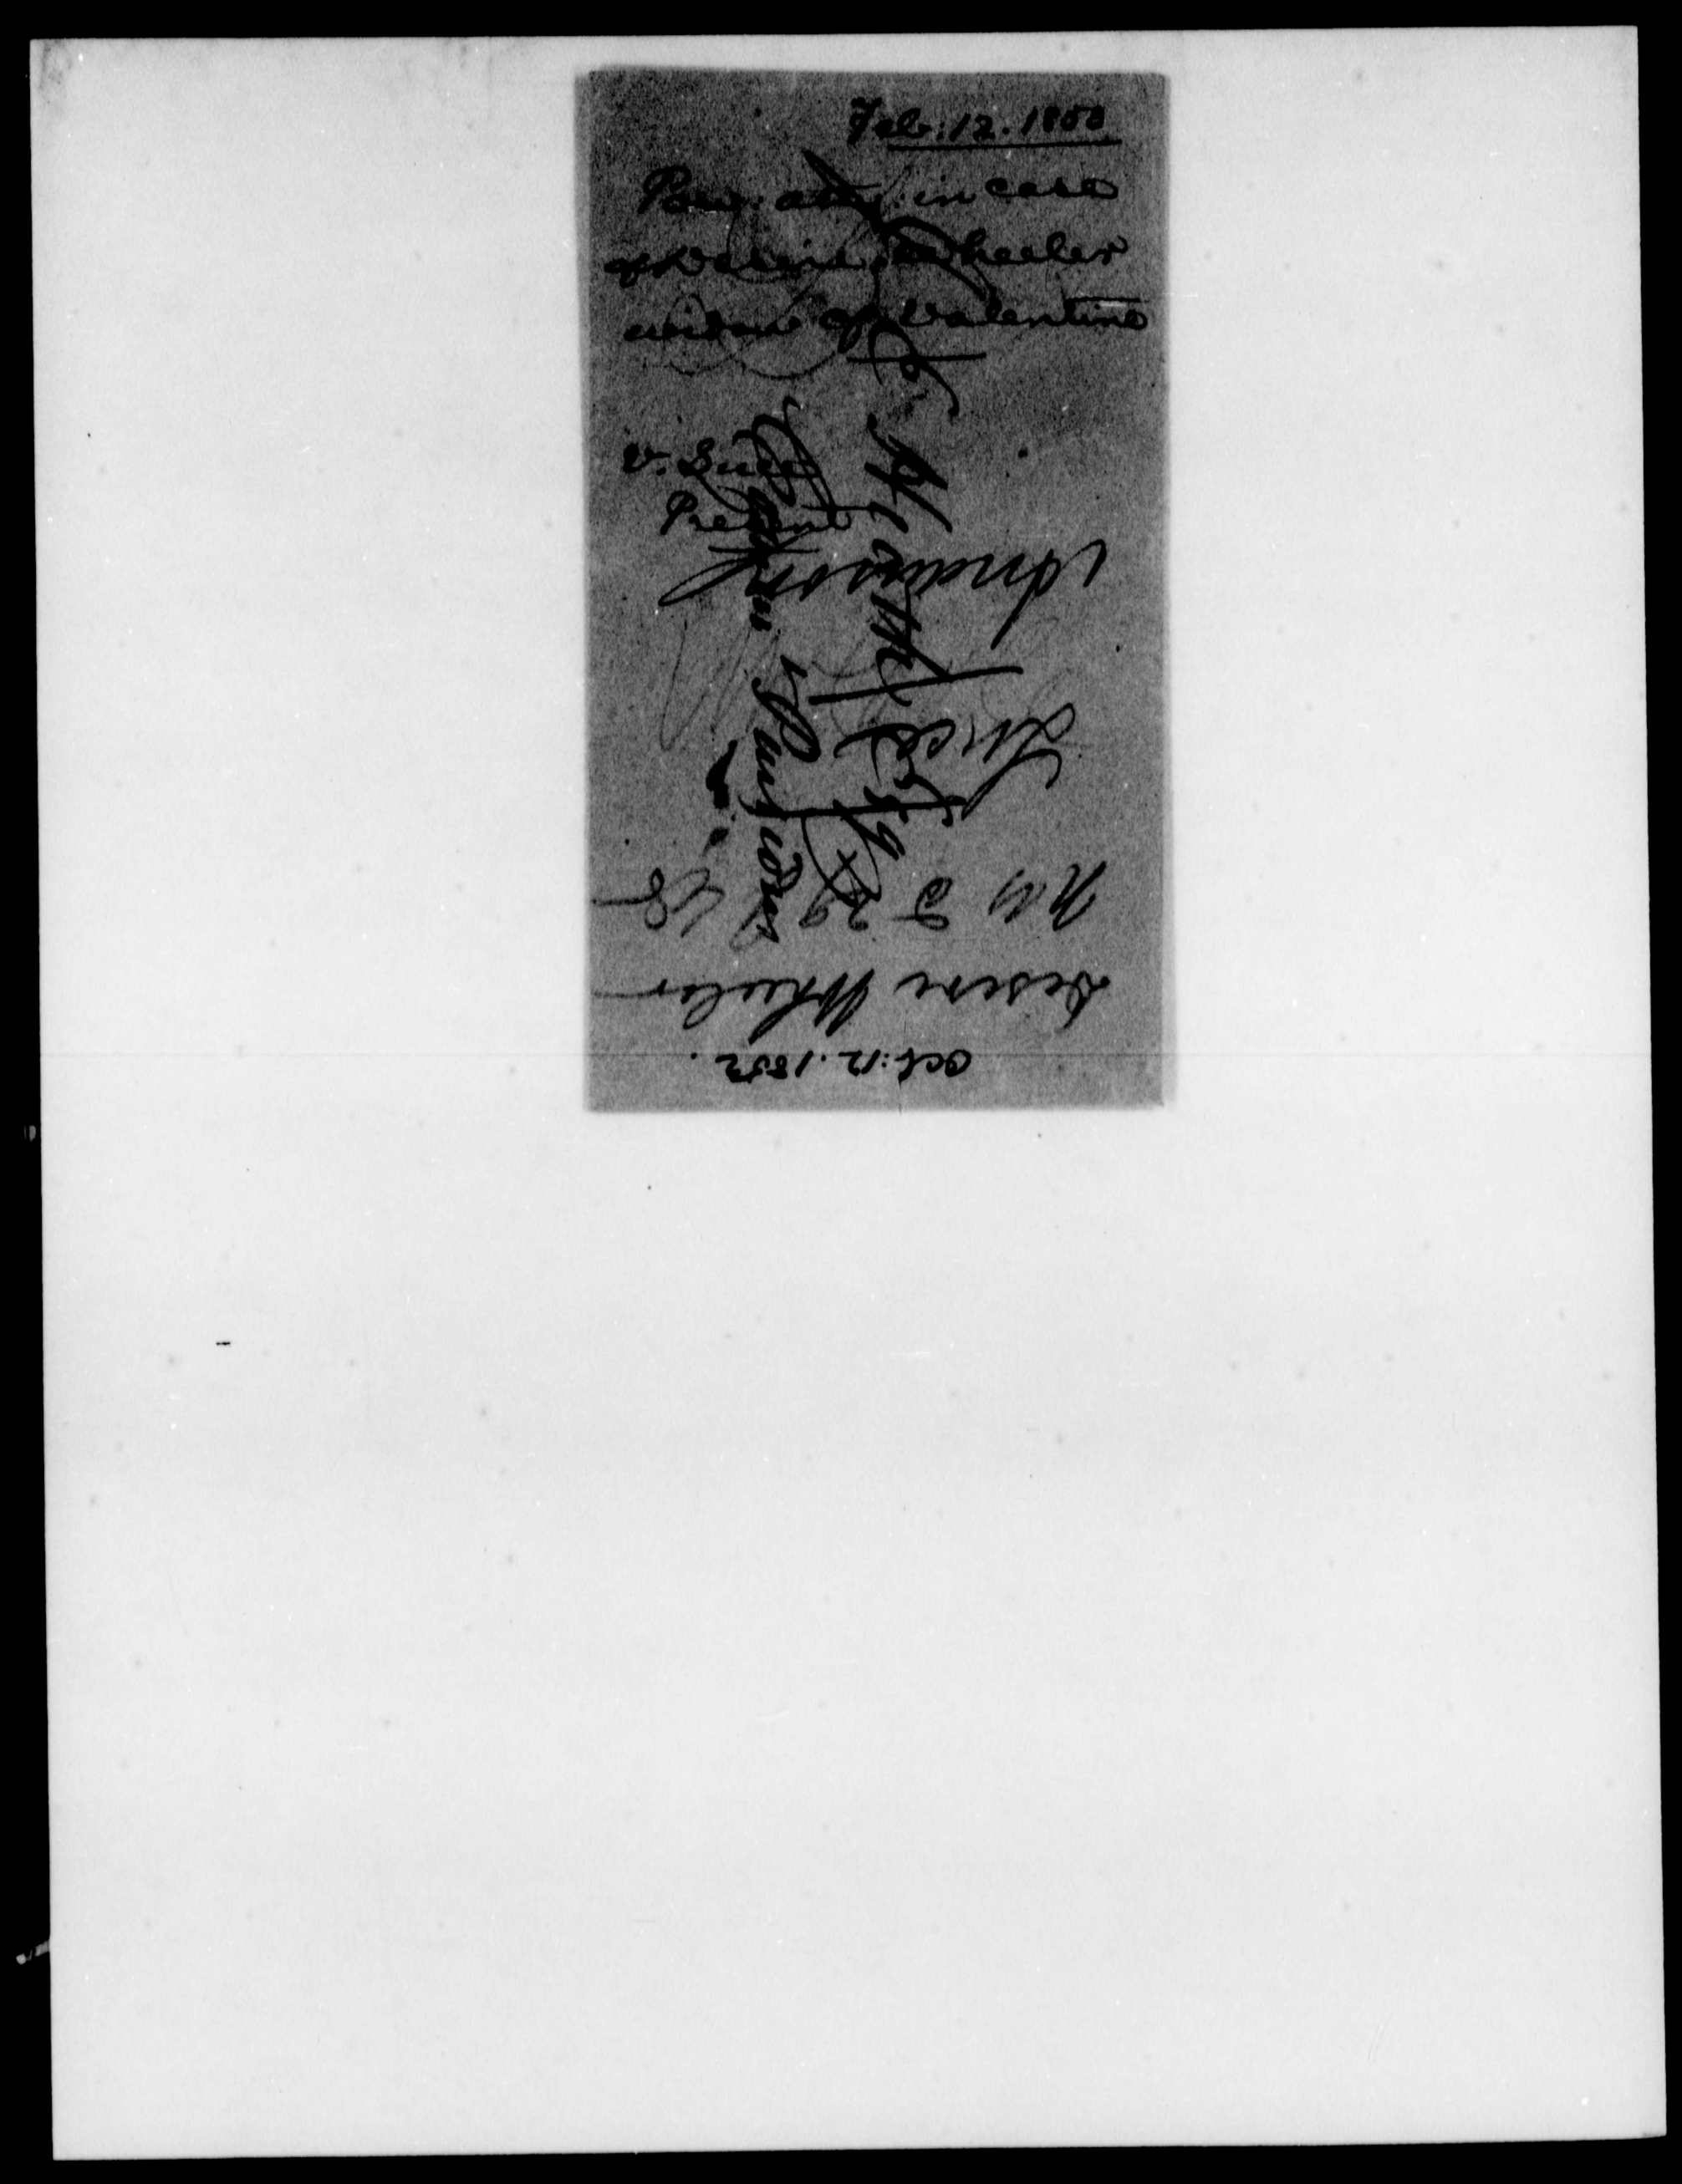Feb. 12, 1853
Power of Atty in case of 
Desire Wheeler widow of Valentine
U. Luce Present

Oct 12 1852
Desire Wheeler
N.Y. Jy.29 '48

J. E. Heath
Commr. of Pensions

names: J E Heath, Luce, Desire Wheeler, Valentine Wheeler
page: 37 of 98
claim: widow's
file: W. 1682, Valentine Wheeler, Mass.